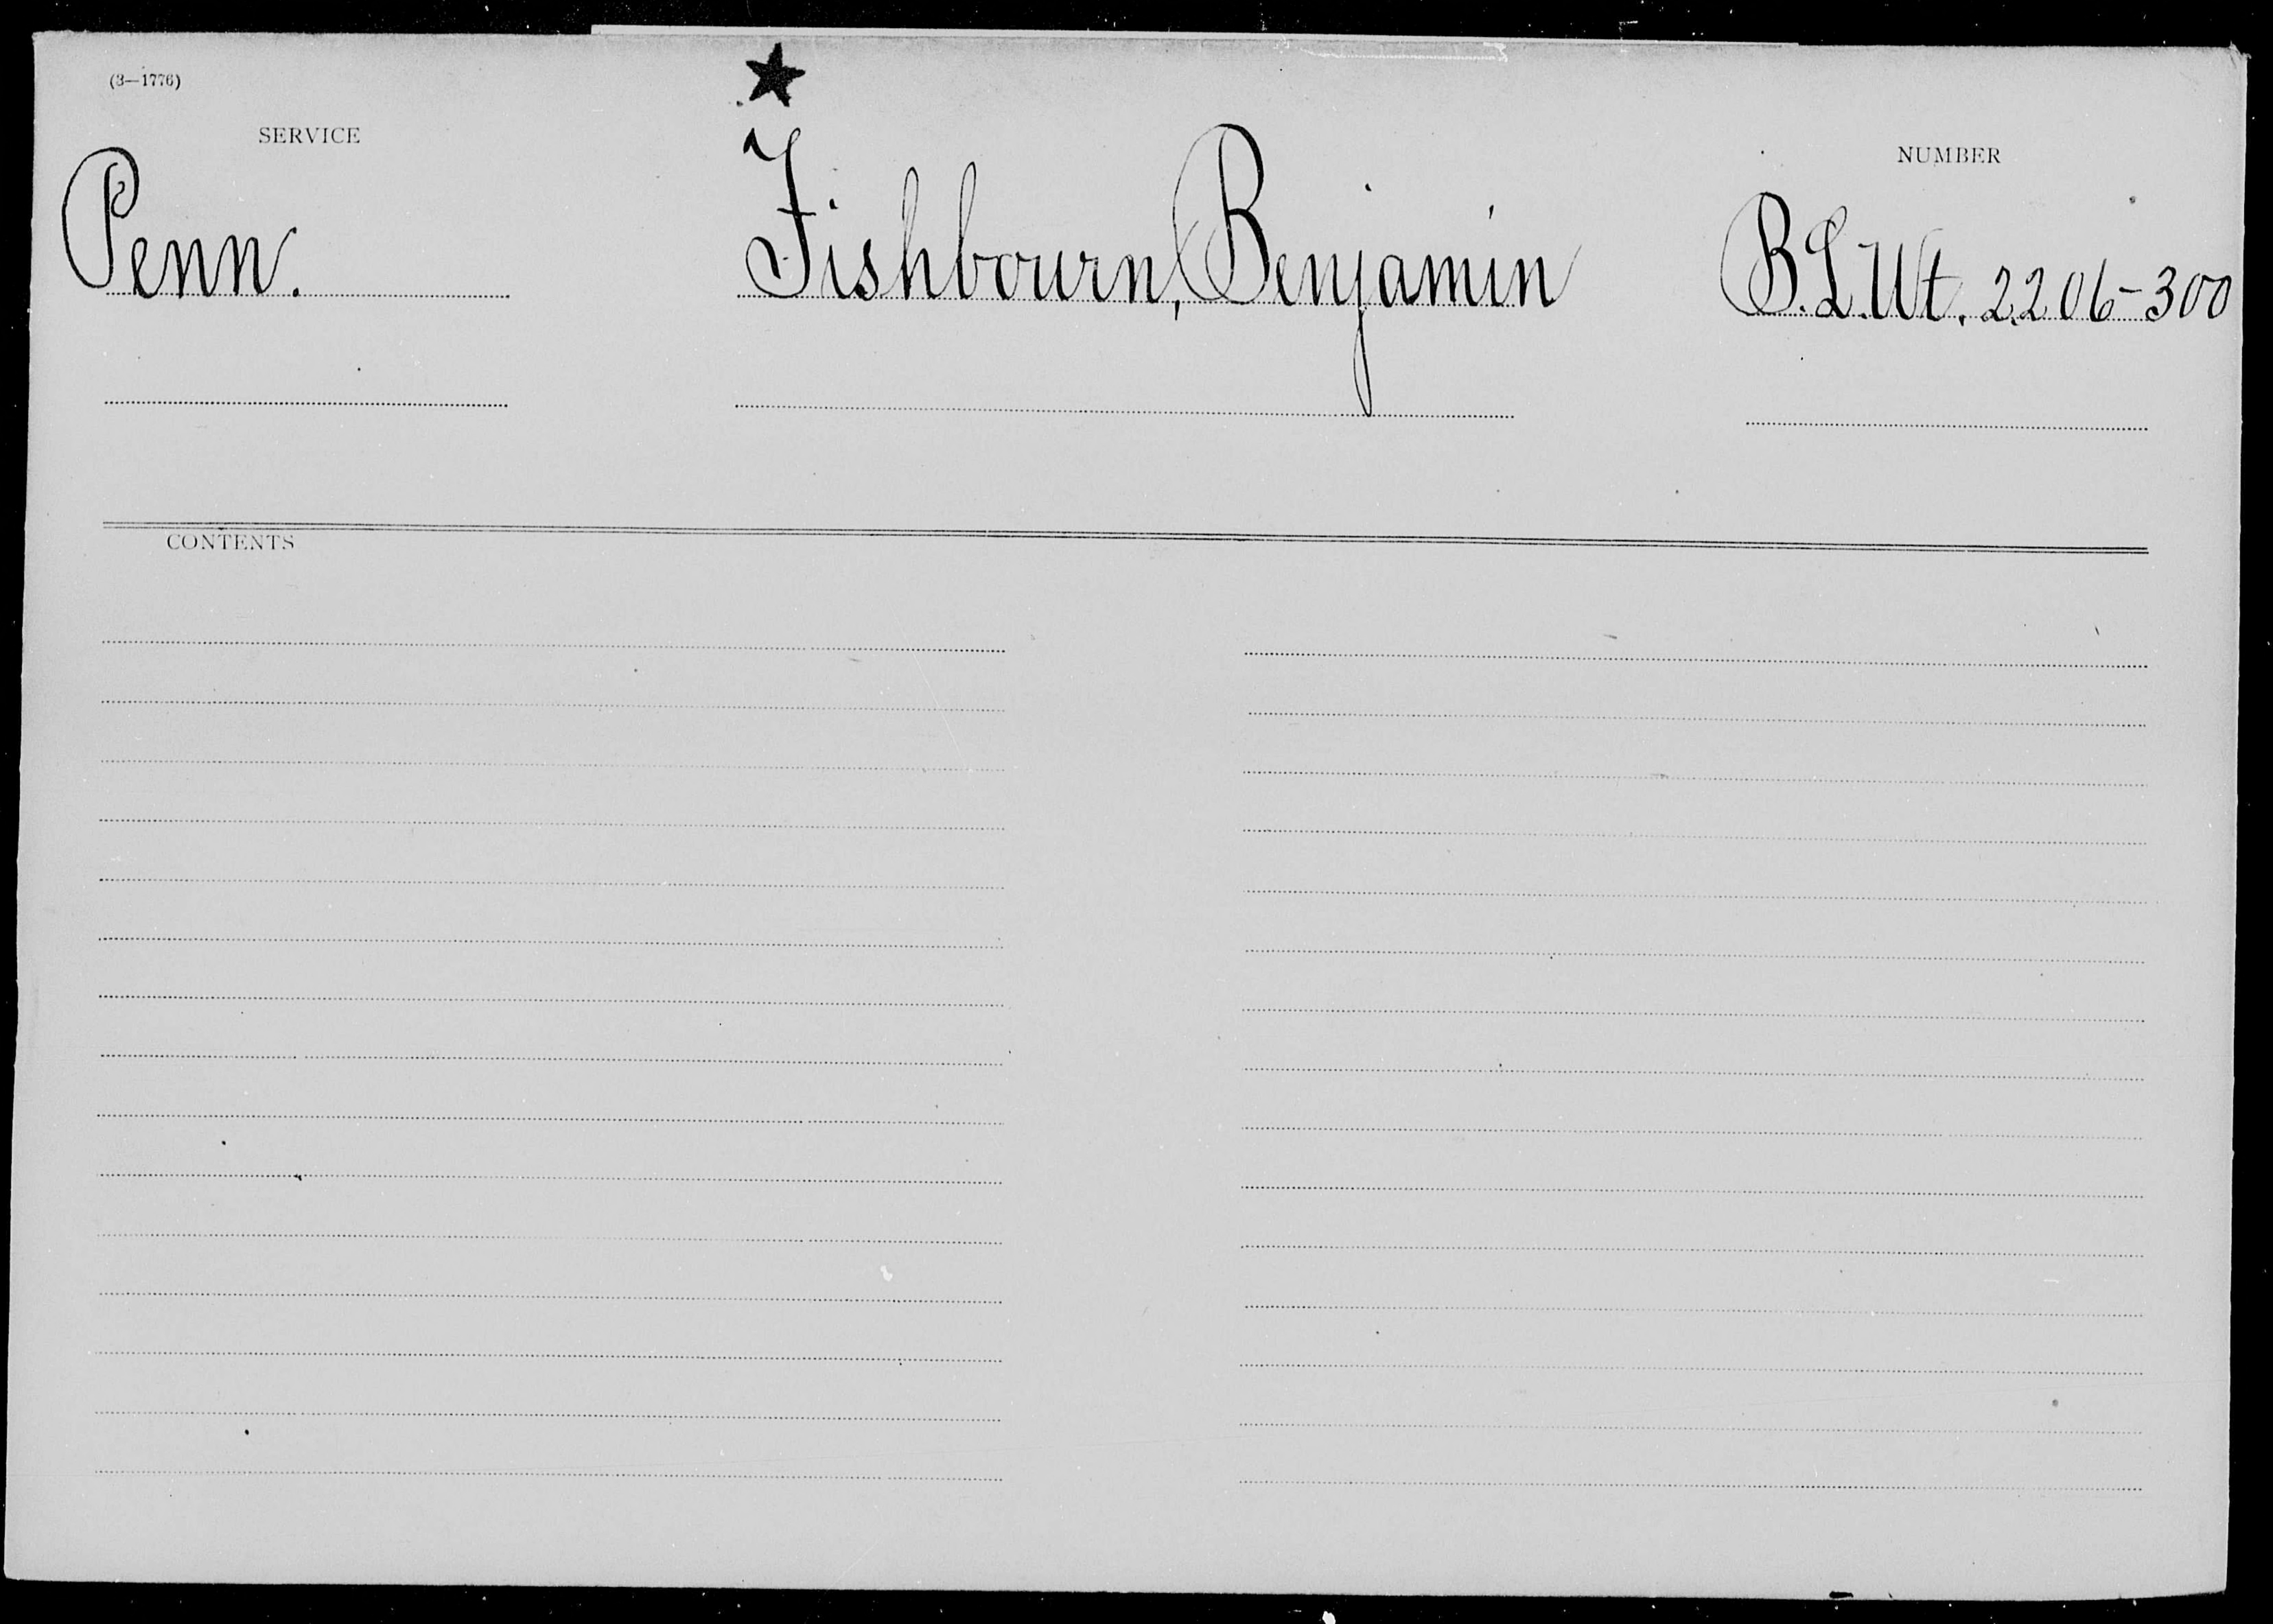(3-1776)
SERVICE                                             
Penn.         (starred) Fishbourn, Benjamin  
NUMBER
 B.L.Wt.2,206-300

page: 1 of 11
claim: bounty land warrant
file: B.L.Wt. 2,206-300, Benjamin Fishbourn, Penn.